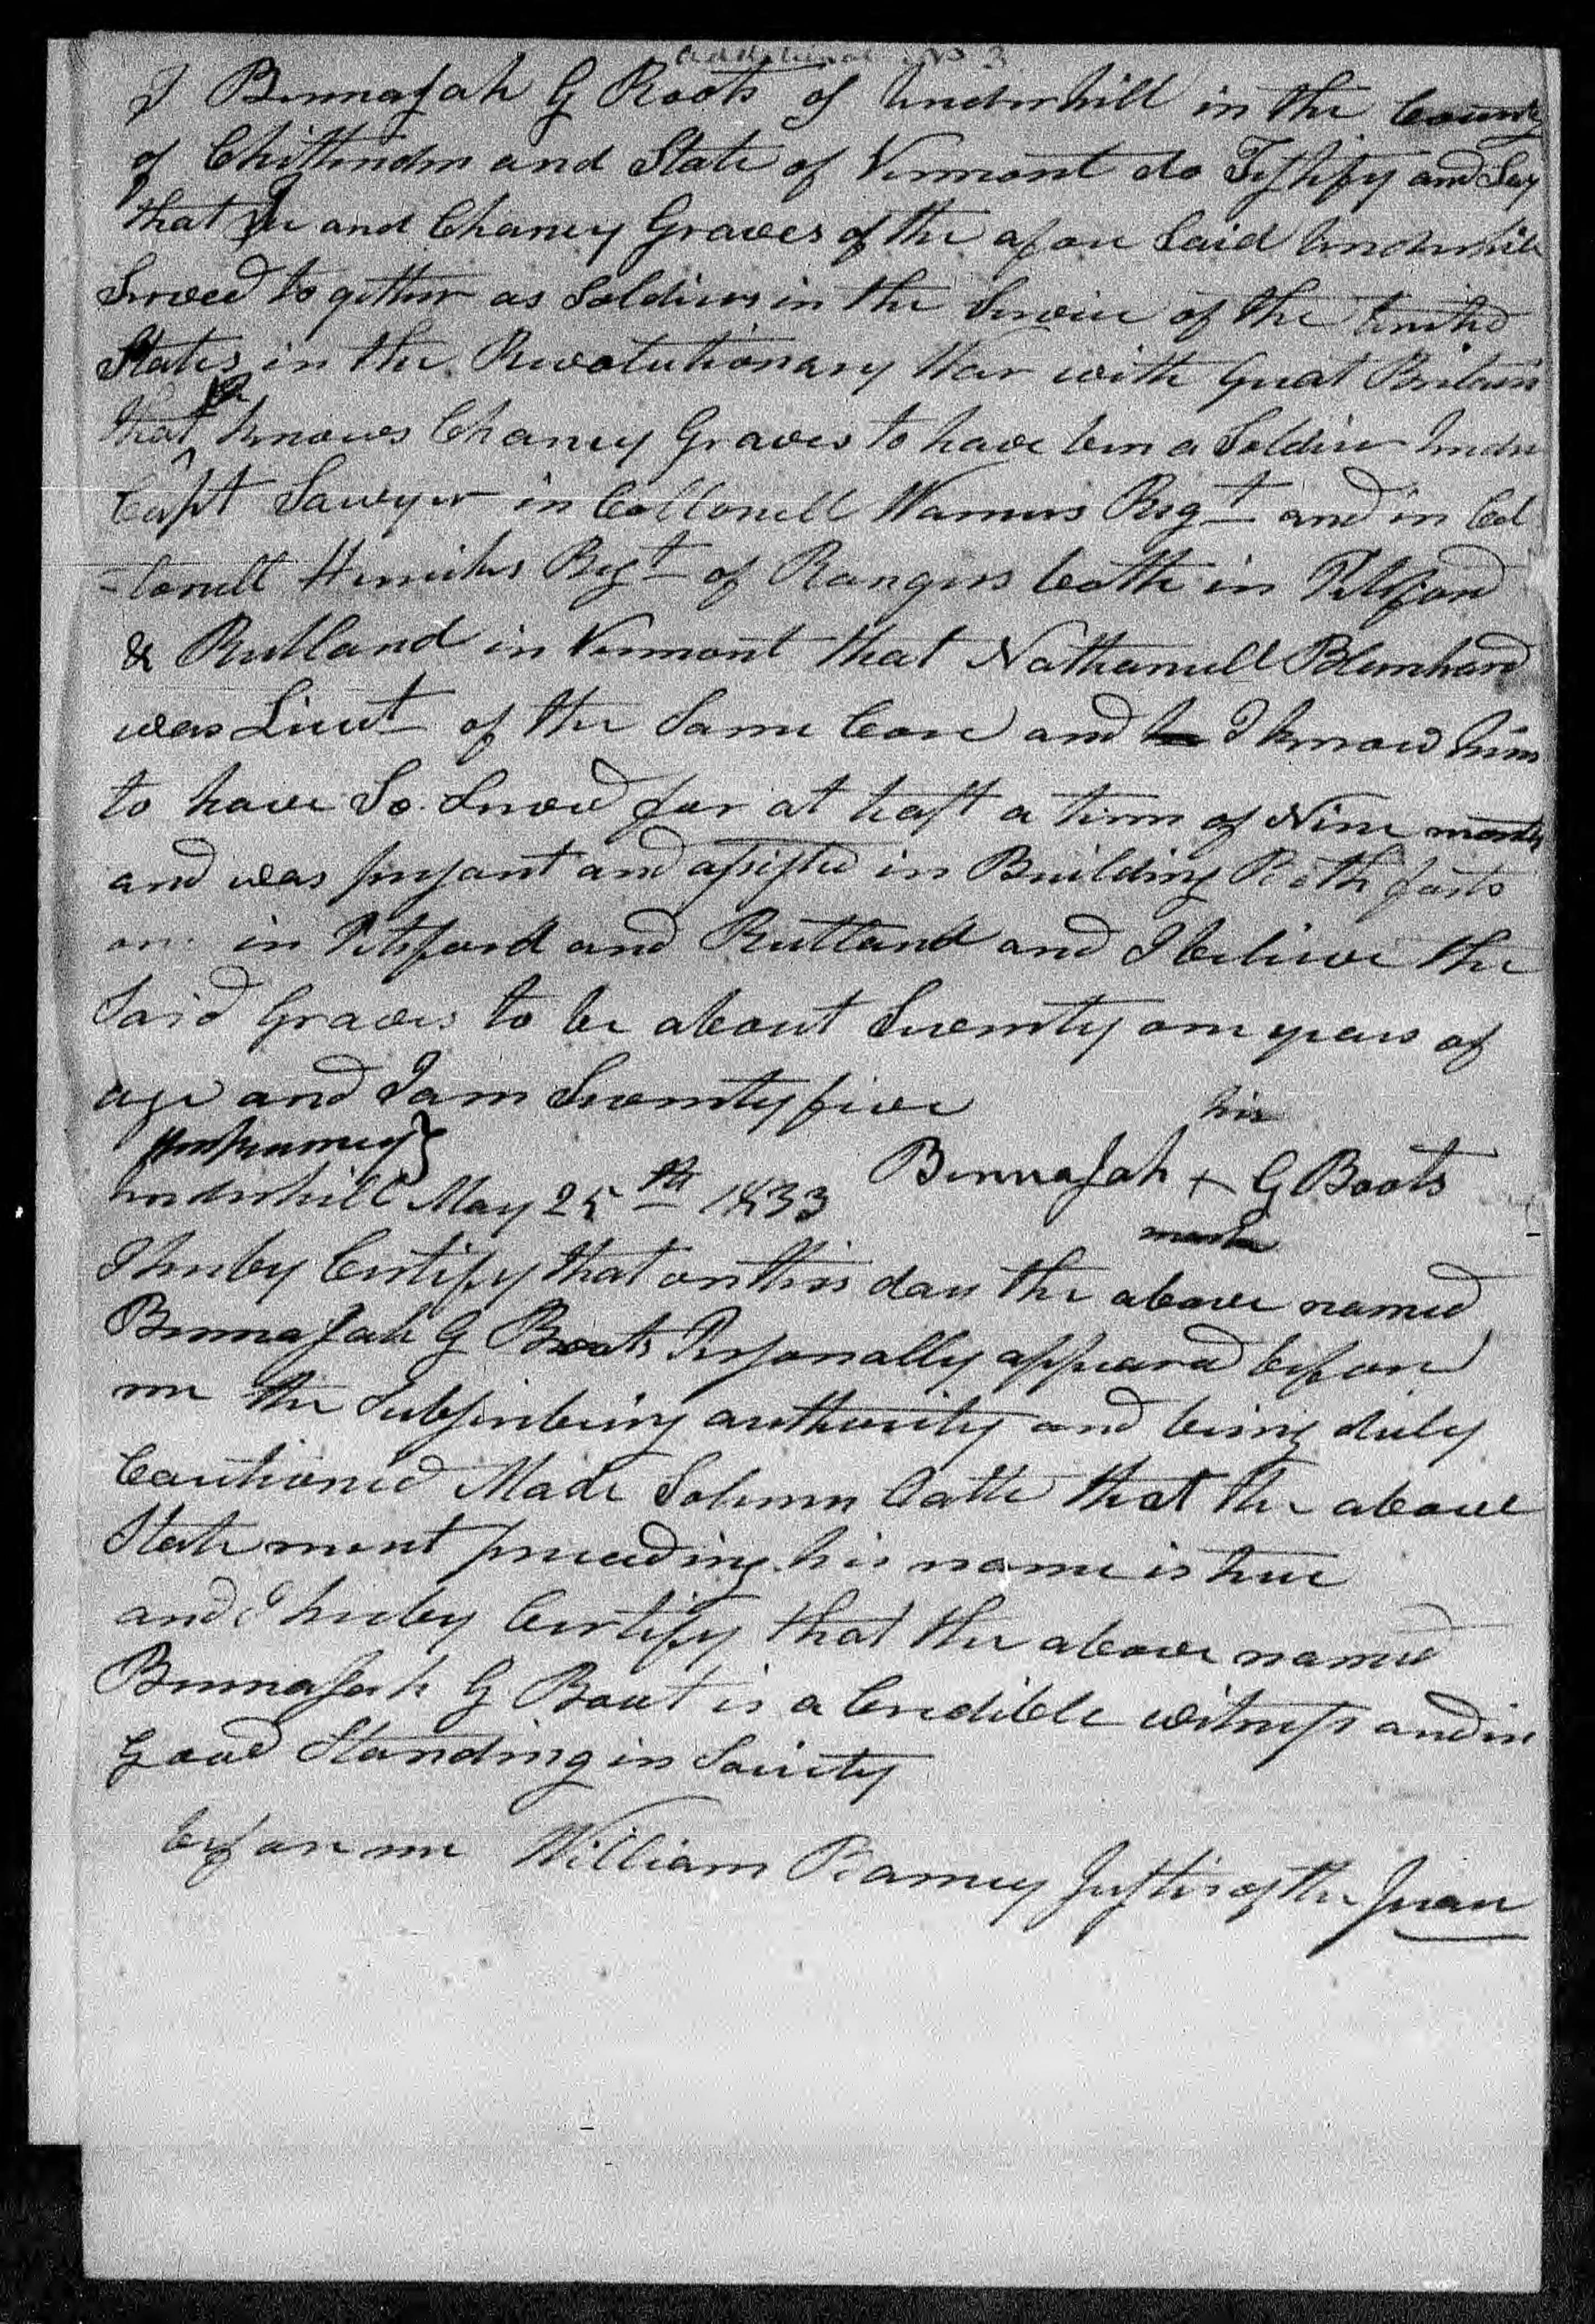I, Bennajah G Root ofUnderhill in the County
of Chilton and State of Vermont do testify and say
that he and Chancy Graves of the aforesaid [illegible] Served together as soldiers in the service of the United States
in the Revolutionary War with Great Britain
that he knows Chancy Graves to have been a Soldier under
Captain Sawyer in Collonell [sic] Warners Regiment and in Colonel
and Herricks regiment of Rangers both in Pelford
And Rutland in Vermont that Nathaniell Blanchard
was Lieutenant of the same lcore [corps] and I know him
to have so served for at least a term of Nine month
and was present and assisted in building Both forts
One in Pitford and Rutland and I believe the
said Graves to be about Seventy one years of
age and I am Seventy five
Bennajah Spinney X his mark
Sworn and subscribed May 25th 1833
I hereby Certify that on this day the above named
Bennajah G Roots Personally appeared before
the subscribing authority and being duly
Cautioned made Solemn Oath that the above ┃
Statement preceding his name is true
and I hereby certify that the above named
Bennajah G. Bout is a credible witness and in
Good Standing in society.
before me William Barney Justice of the peace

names: Chancy Graves, William Barney, Bennajah G Root, Sawyer, Bennajah G Roots, Graves, Nathaniel Blumhard, Bennajah G Roots, Bennajah G Roots, Chancy Graves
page: 13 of 24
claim: survivor's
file: S. 15869, Chauncey Graves, Vt.